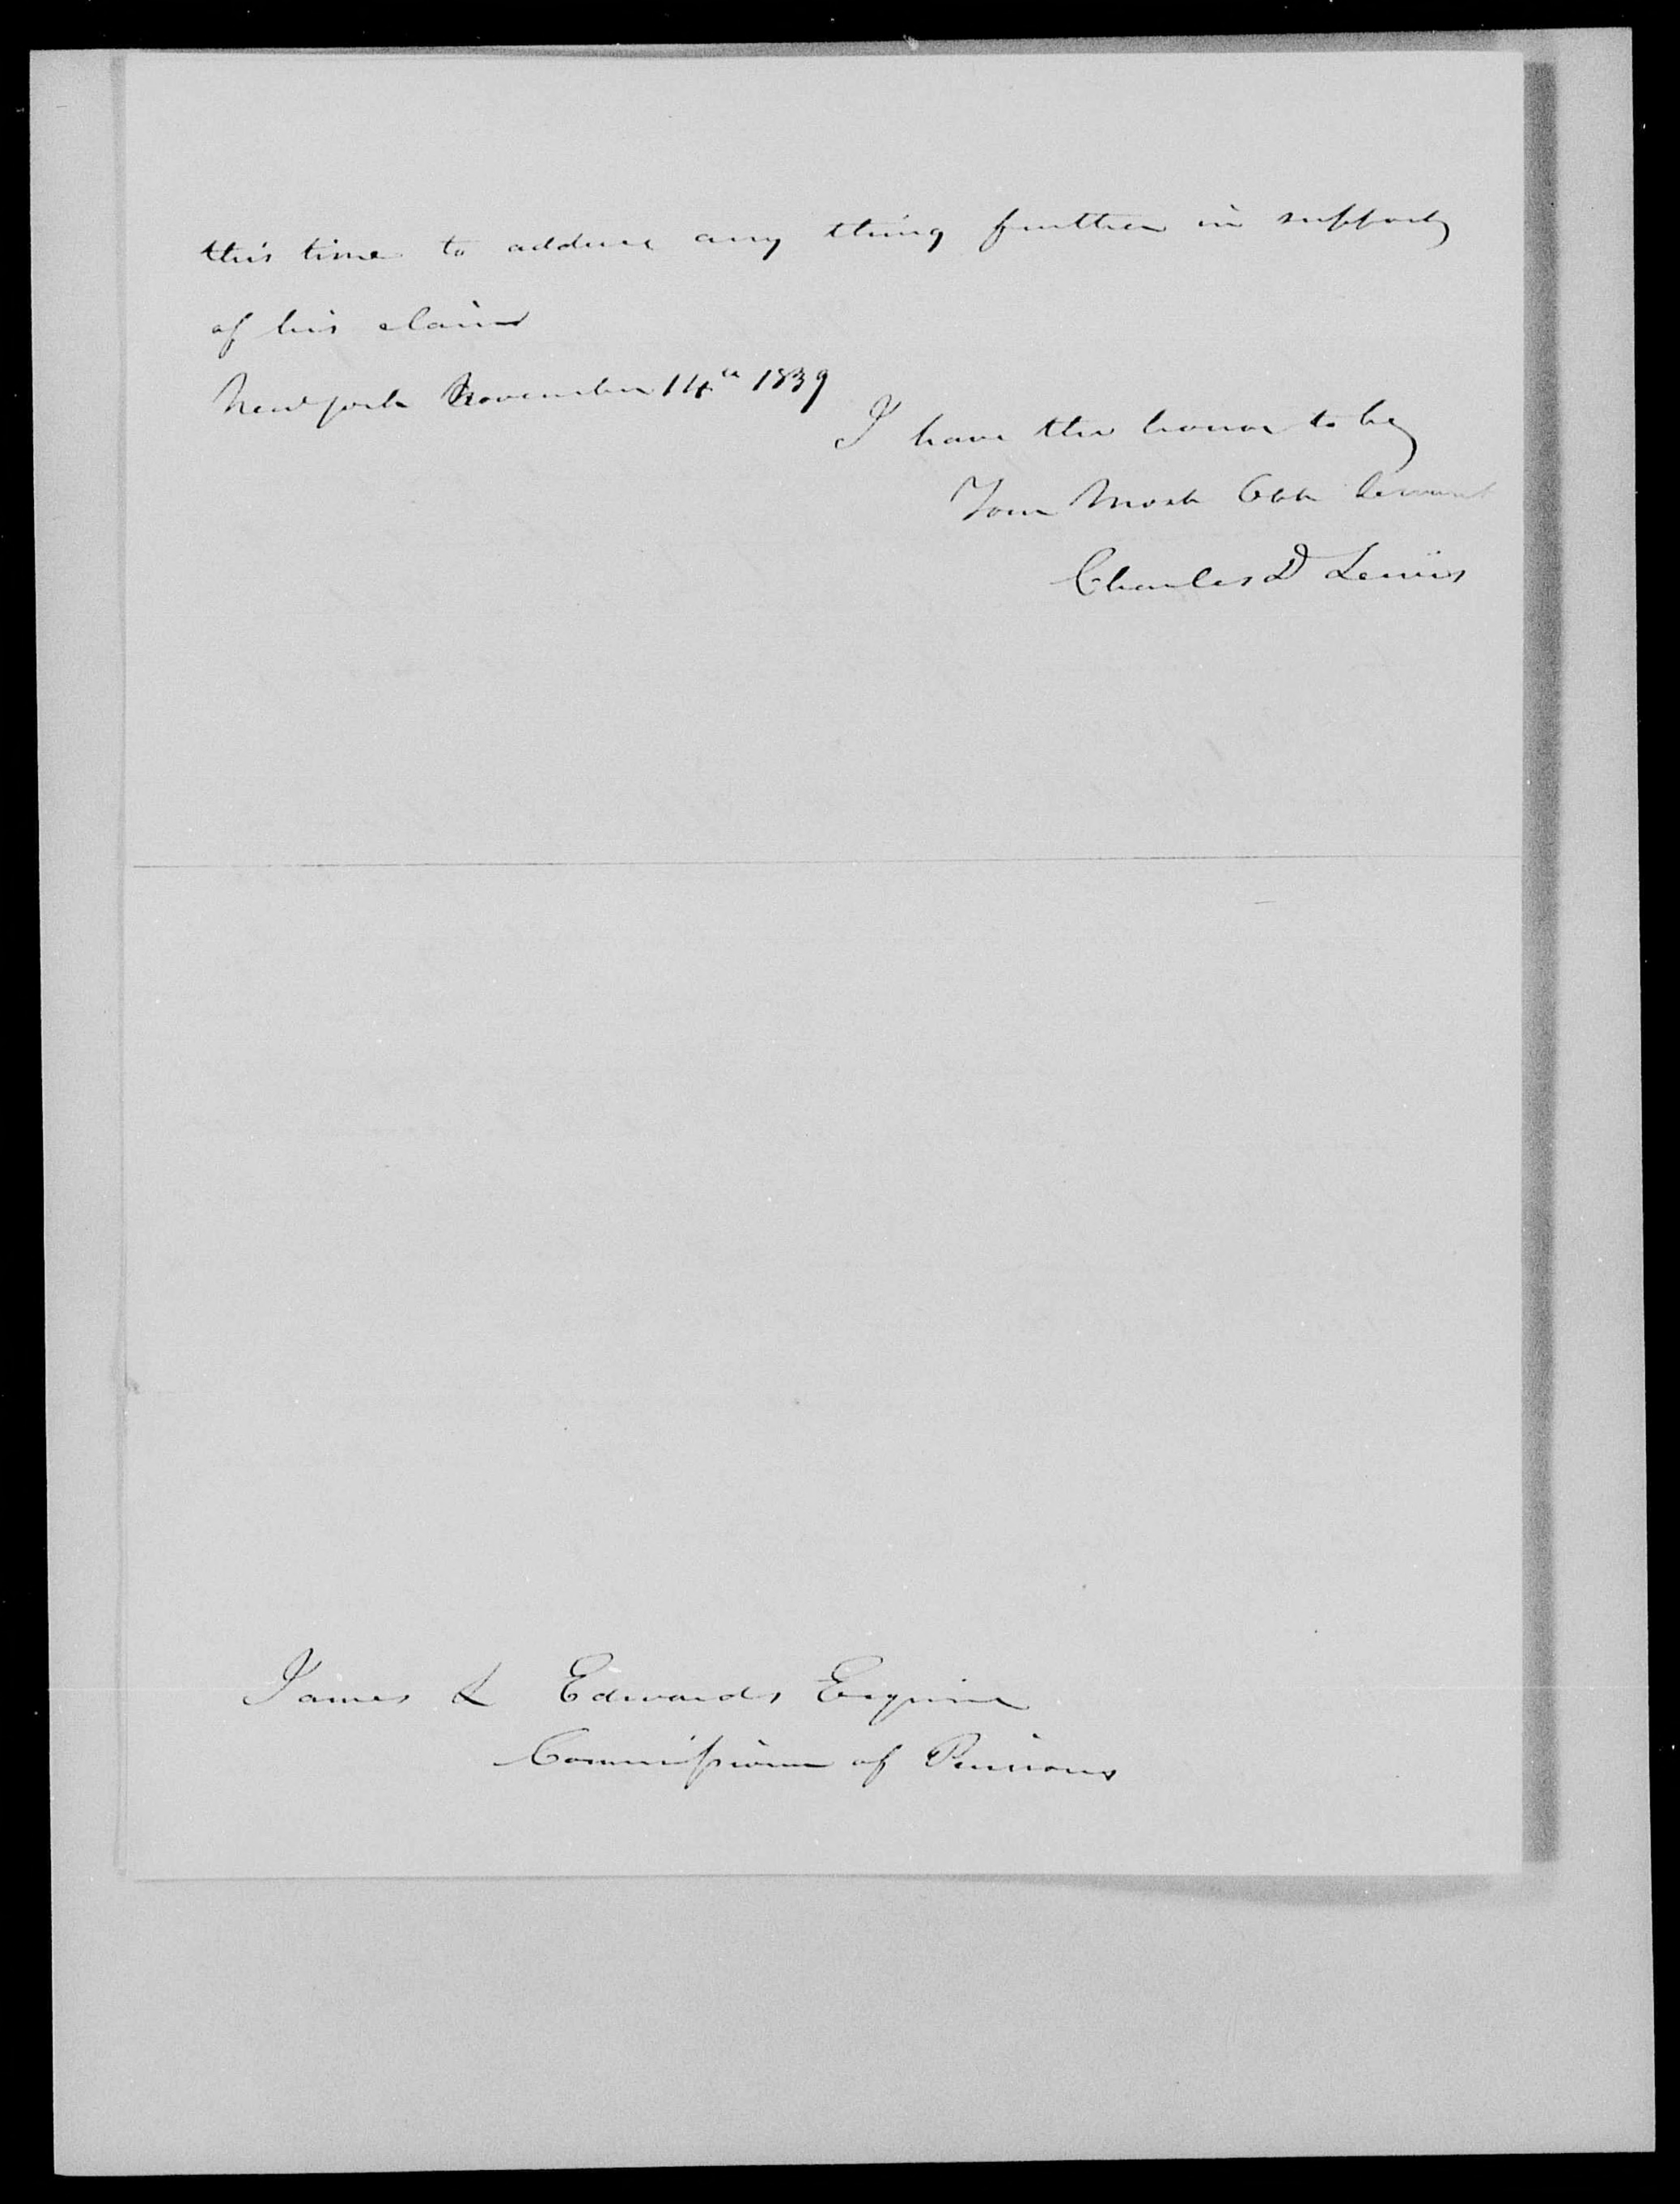this time to address any thing further in sufficiency of his claim
New York November 14th 1839
thing further in support
I have the honor to be
Your most Obt servant
Charles D Lewis
James L Edwards Esquire
Commissioner of Pensions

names: Charles D Lewis; James L Edwards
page: 40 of 75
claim: survivor's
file: S. 9989, for William Popham, Delaware